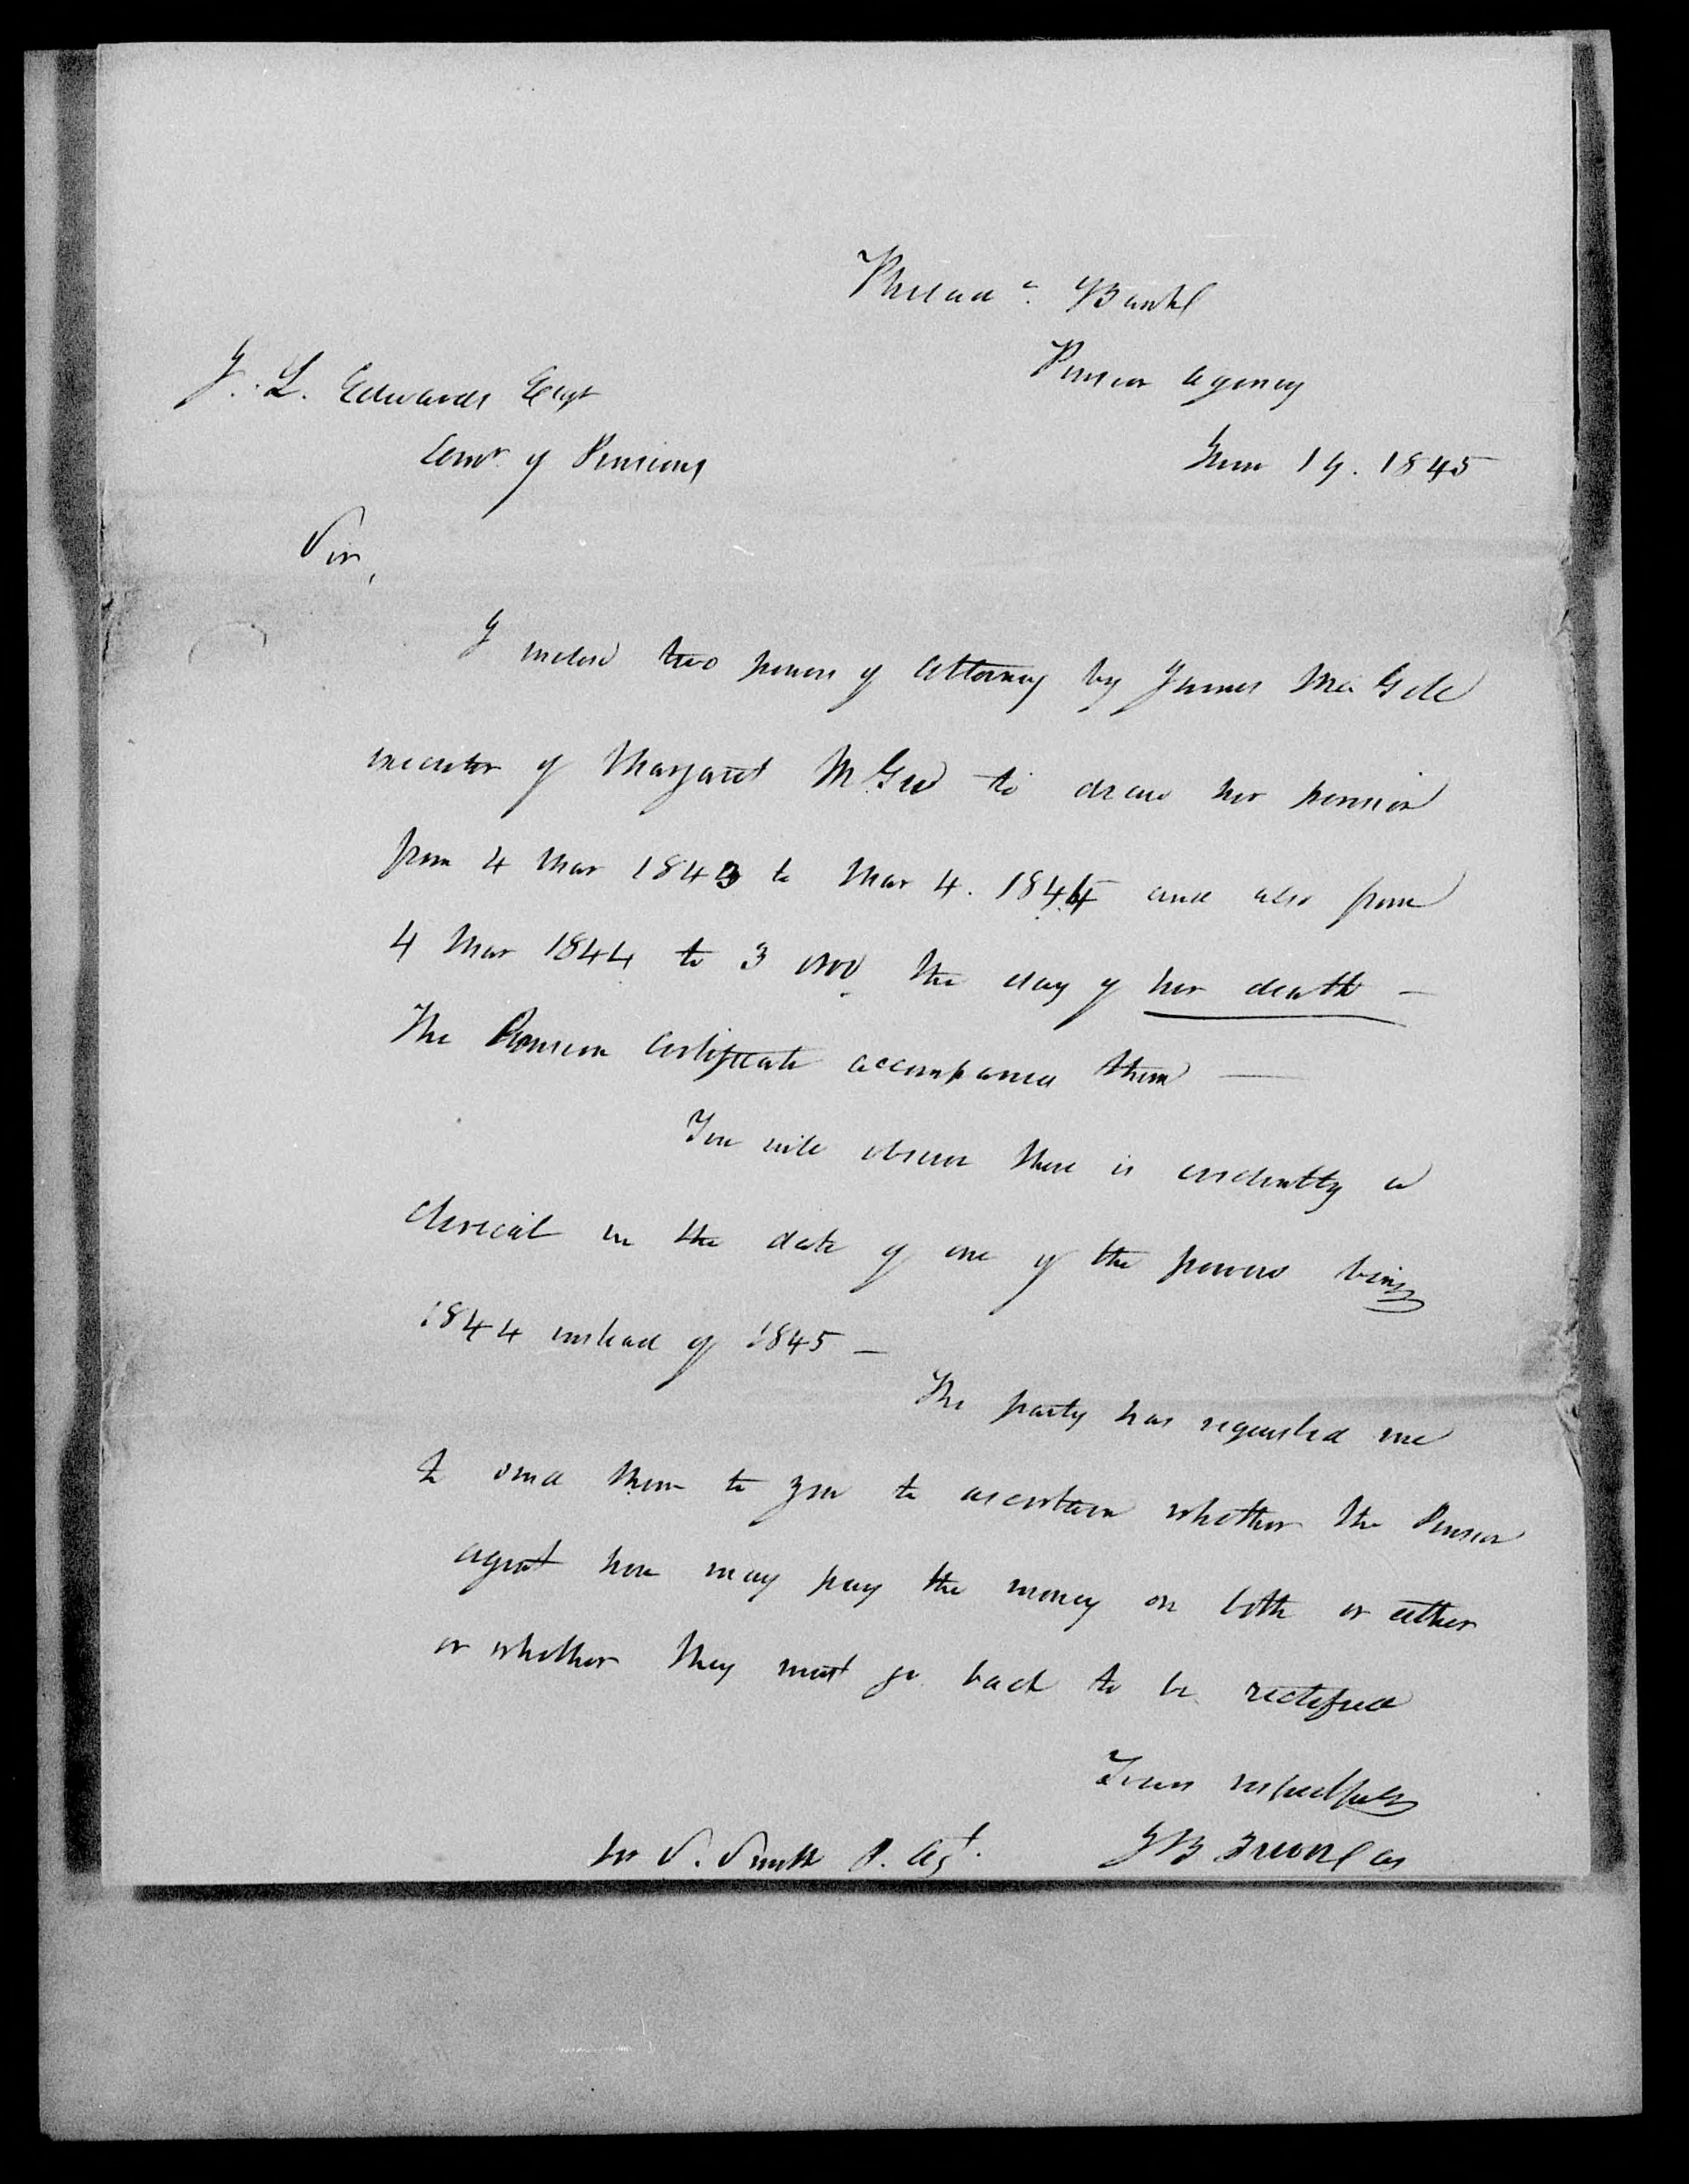Philan[?] Bankl[?]
I indeed[?] two [?] of  Attorney by James Mc. Gee[?] [?] of Margaret M Gee to claim her pension Now[?] 4 Mar 1843 & Mar 4. 1844 and also from 4 Mar 1844 to 3 Nov[?] the day of her death — The [?] Certificate accompanies them —
You [?] [?] there is certaintty[?] a Clerical in the date of one of the [?] [?] 1844 instead of 1845 —
The party has [?] me I owe them to you to ascertain whether the Pension agnt[?] now may pay the money on little or either or whether they must go back to be reclif[…?]
Yours respectfully[?]
[?] [?]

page: 33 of 77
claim: widow's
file: W 2954, for James Mc Gee, Delaware